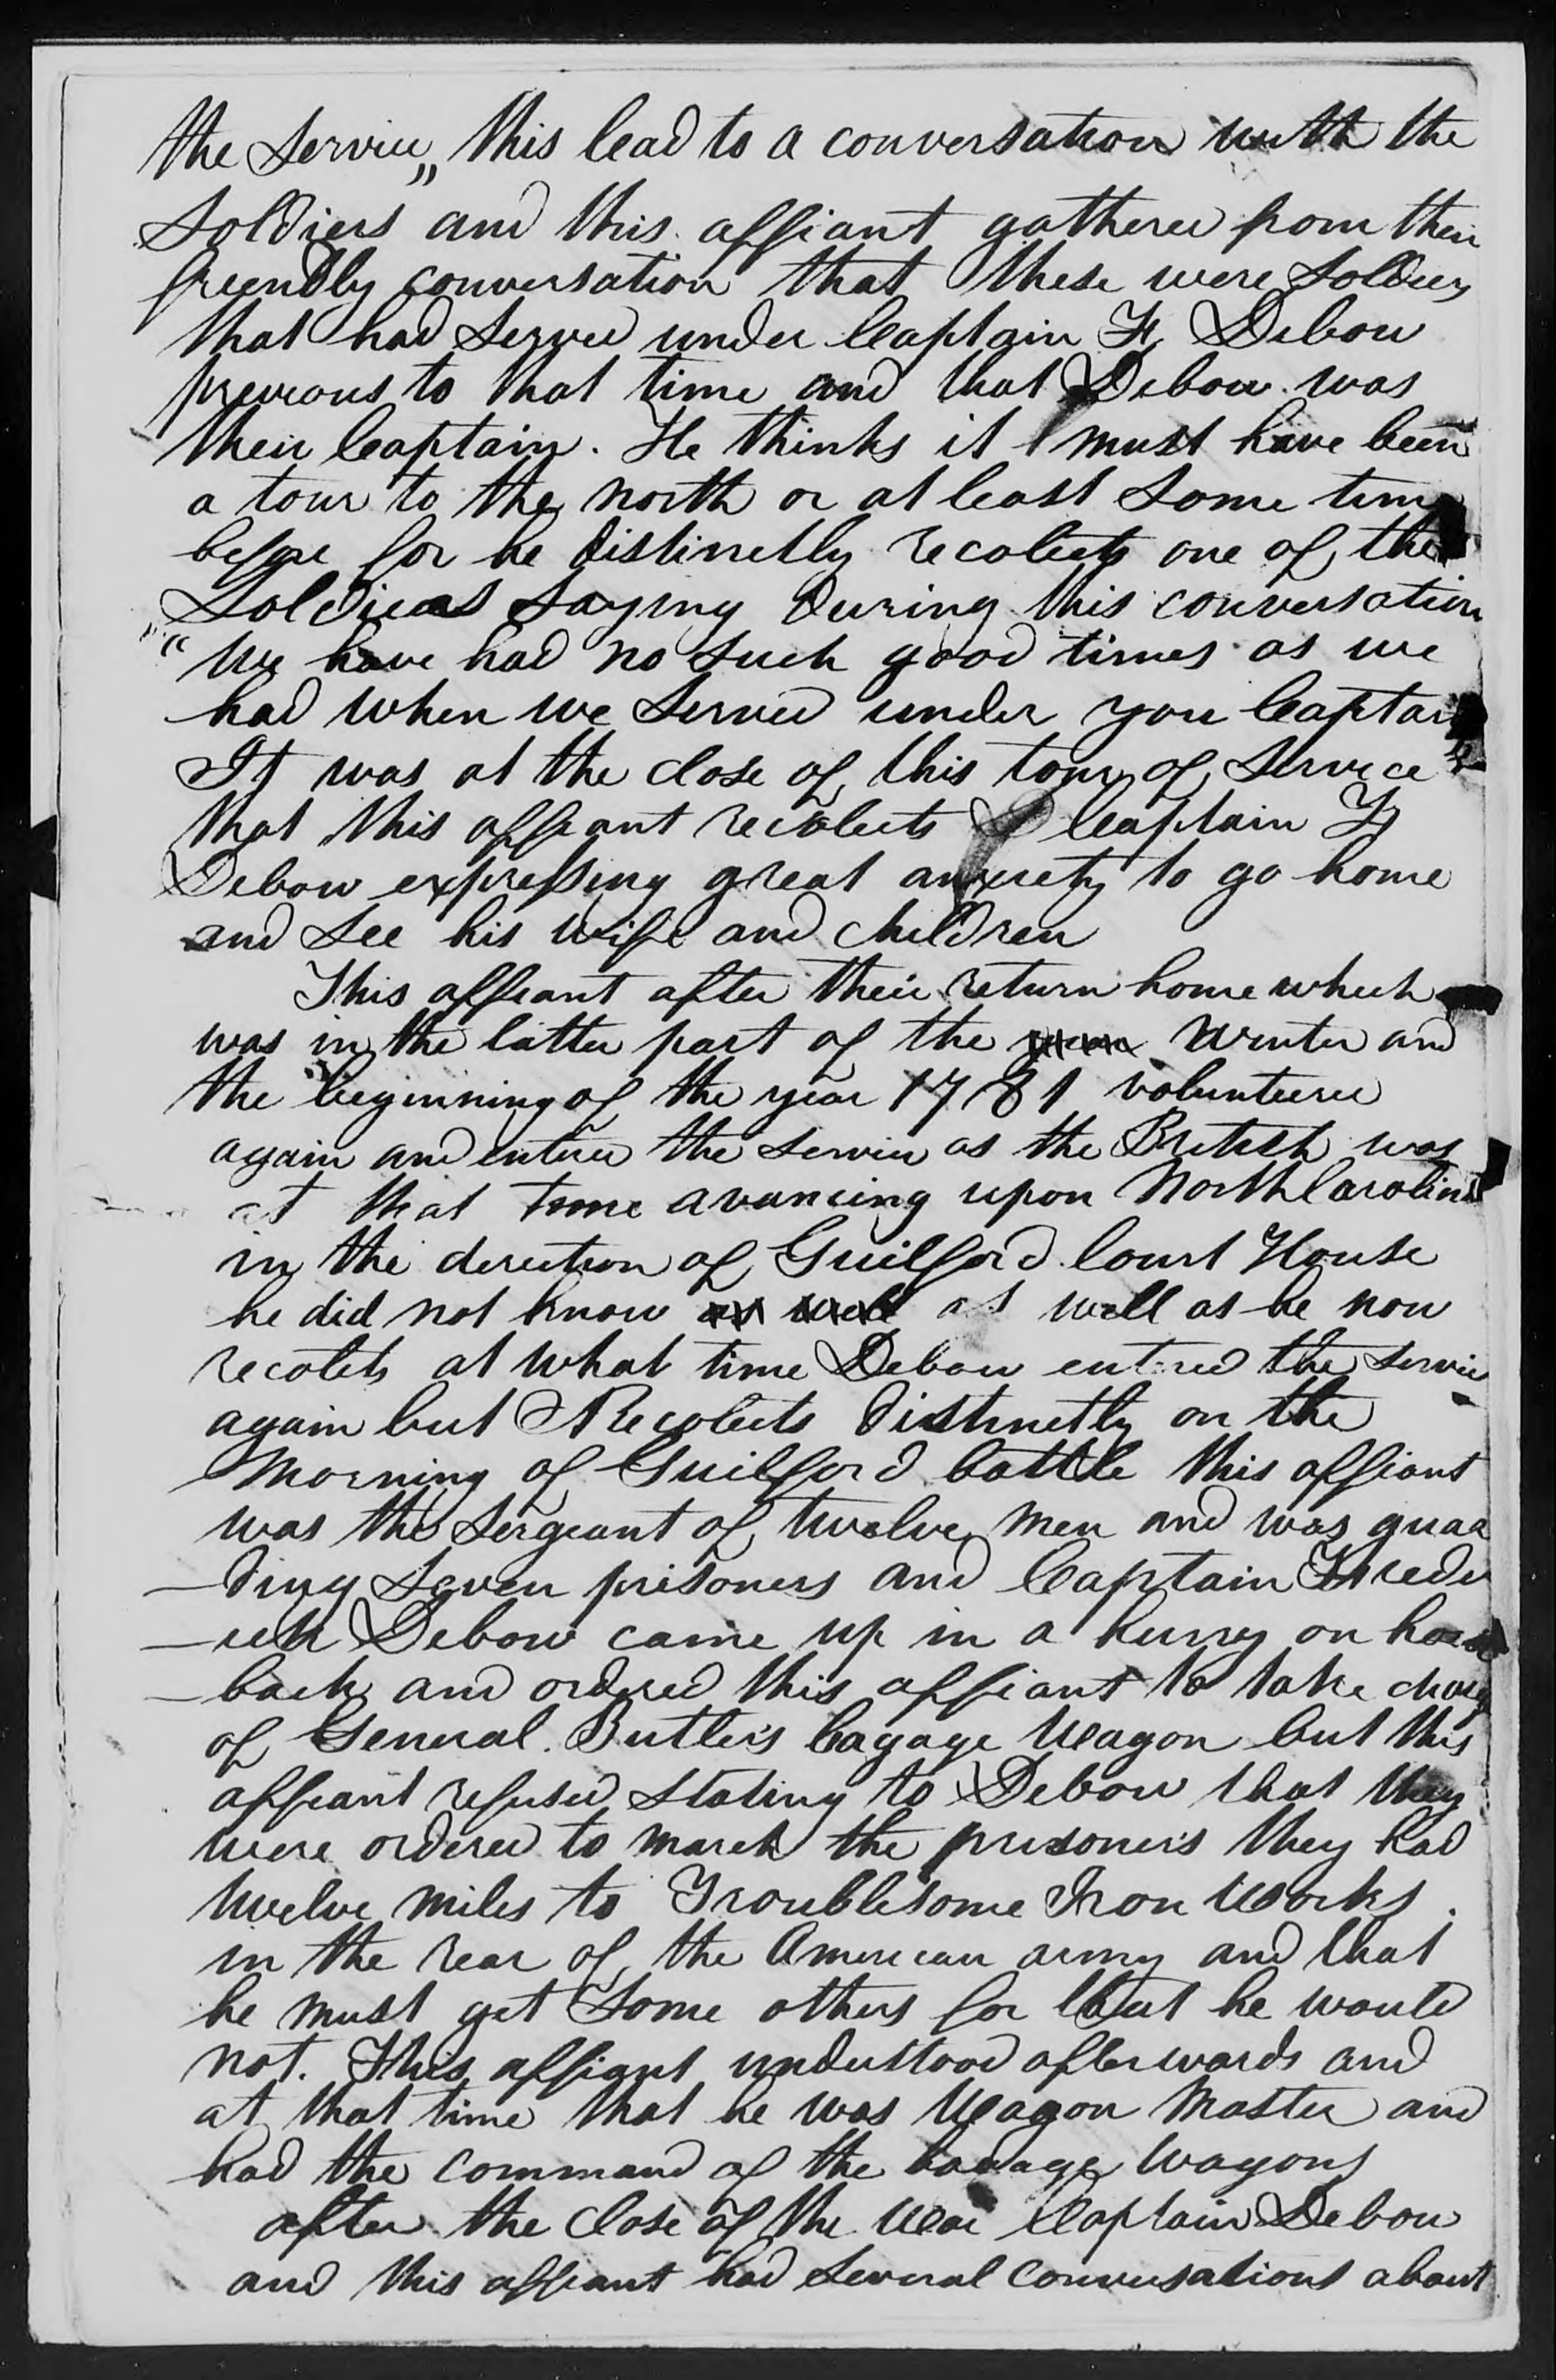The service this leaded to a conversation with the soldiers and this affiant gathered from their friendly conversation that these were soldiers, that had served under Captain F Debow previous to that time and that Debow was their Captain. He thinks it must have been a tour to the north or at least sometime fbefore for he distinctly recollects one of the soldiers saying during this conversation “they have hd no such good times as we had when we serviced under you Captain. It was a th that close  of this tour of service that this affiant recollects Captain F Debow expressing great anxiety to go home and see his wife and children. 
This affiant after their return home which was in the latter part of the [struck through year] winter and the beginning of the year 1781 voluntered again and entered the services as the British was at the time advancing upon North Carolina in the direction of Guilford Court House he did not know [struck through as well] as well as he now recollects at what time Debow entered the service again but recollects distincltly on the morning of Guilford Bbattle this affiant was the sergeant of twelve men and was guard-ding seven prisoners and Captain Frede-rick Debow came up in a hurry on horse-back and ordered this affiant to take charge of General Butlers baggage wagon but this affiant refused stating to Debow that they were ordered to march the prisoners they had twelve miles to Troublesome Iron Works in the rear of the American army and that he must get some others for that he would not. This affiant understood afterwards and at this time that he was Wagon Master and had the command of the baggage wagons after the close of the war Captain Debow and this affiant had several conversations about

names: Frederick Debow, F Debow, Debow, Debow, Debow, Debow, F Debow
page: 58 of 62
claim: widow's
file: W 7005, Frederick Debow, N.C.